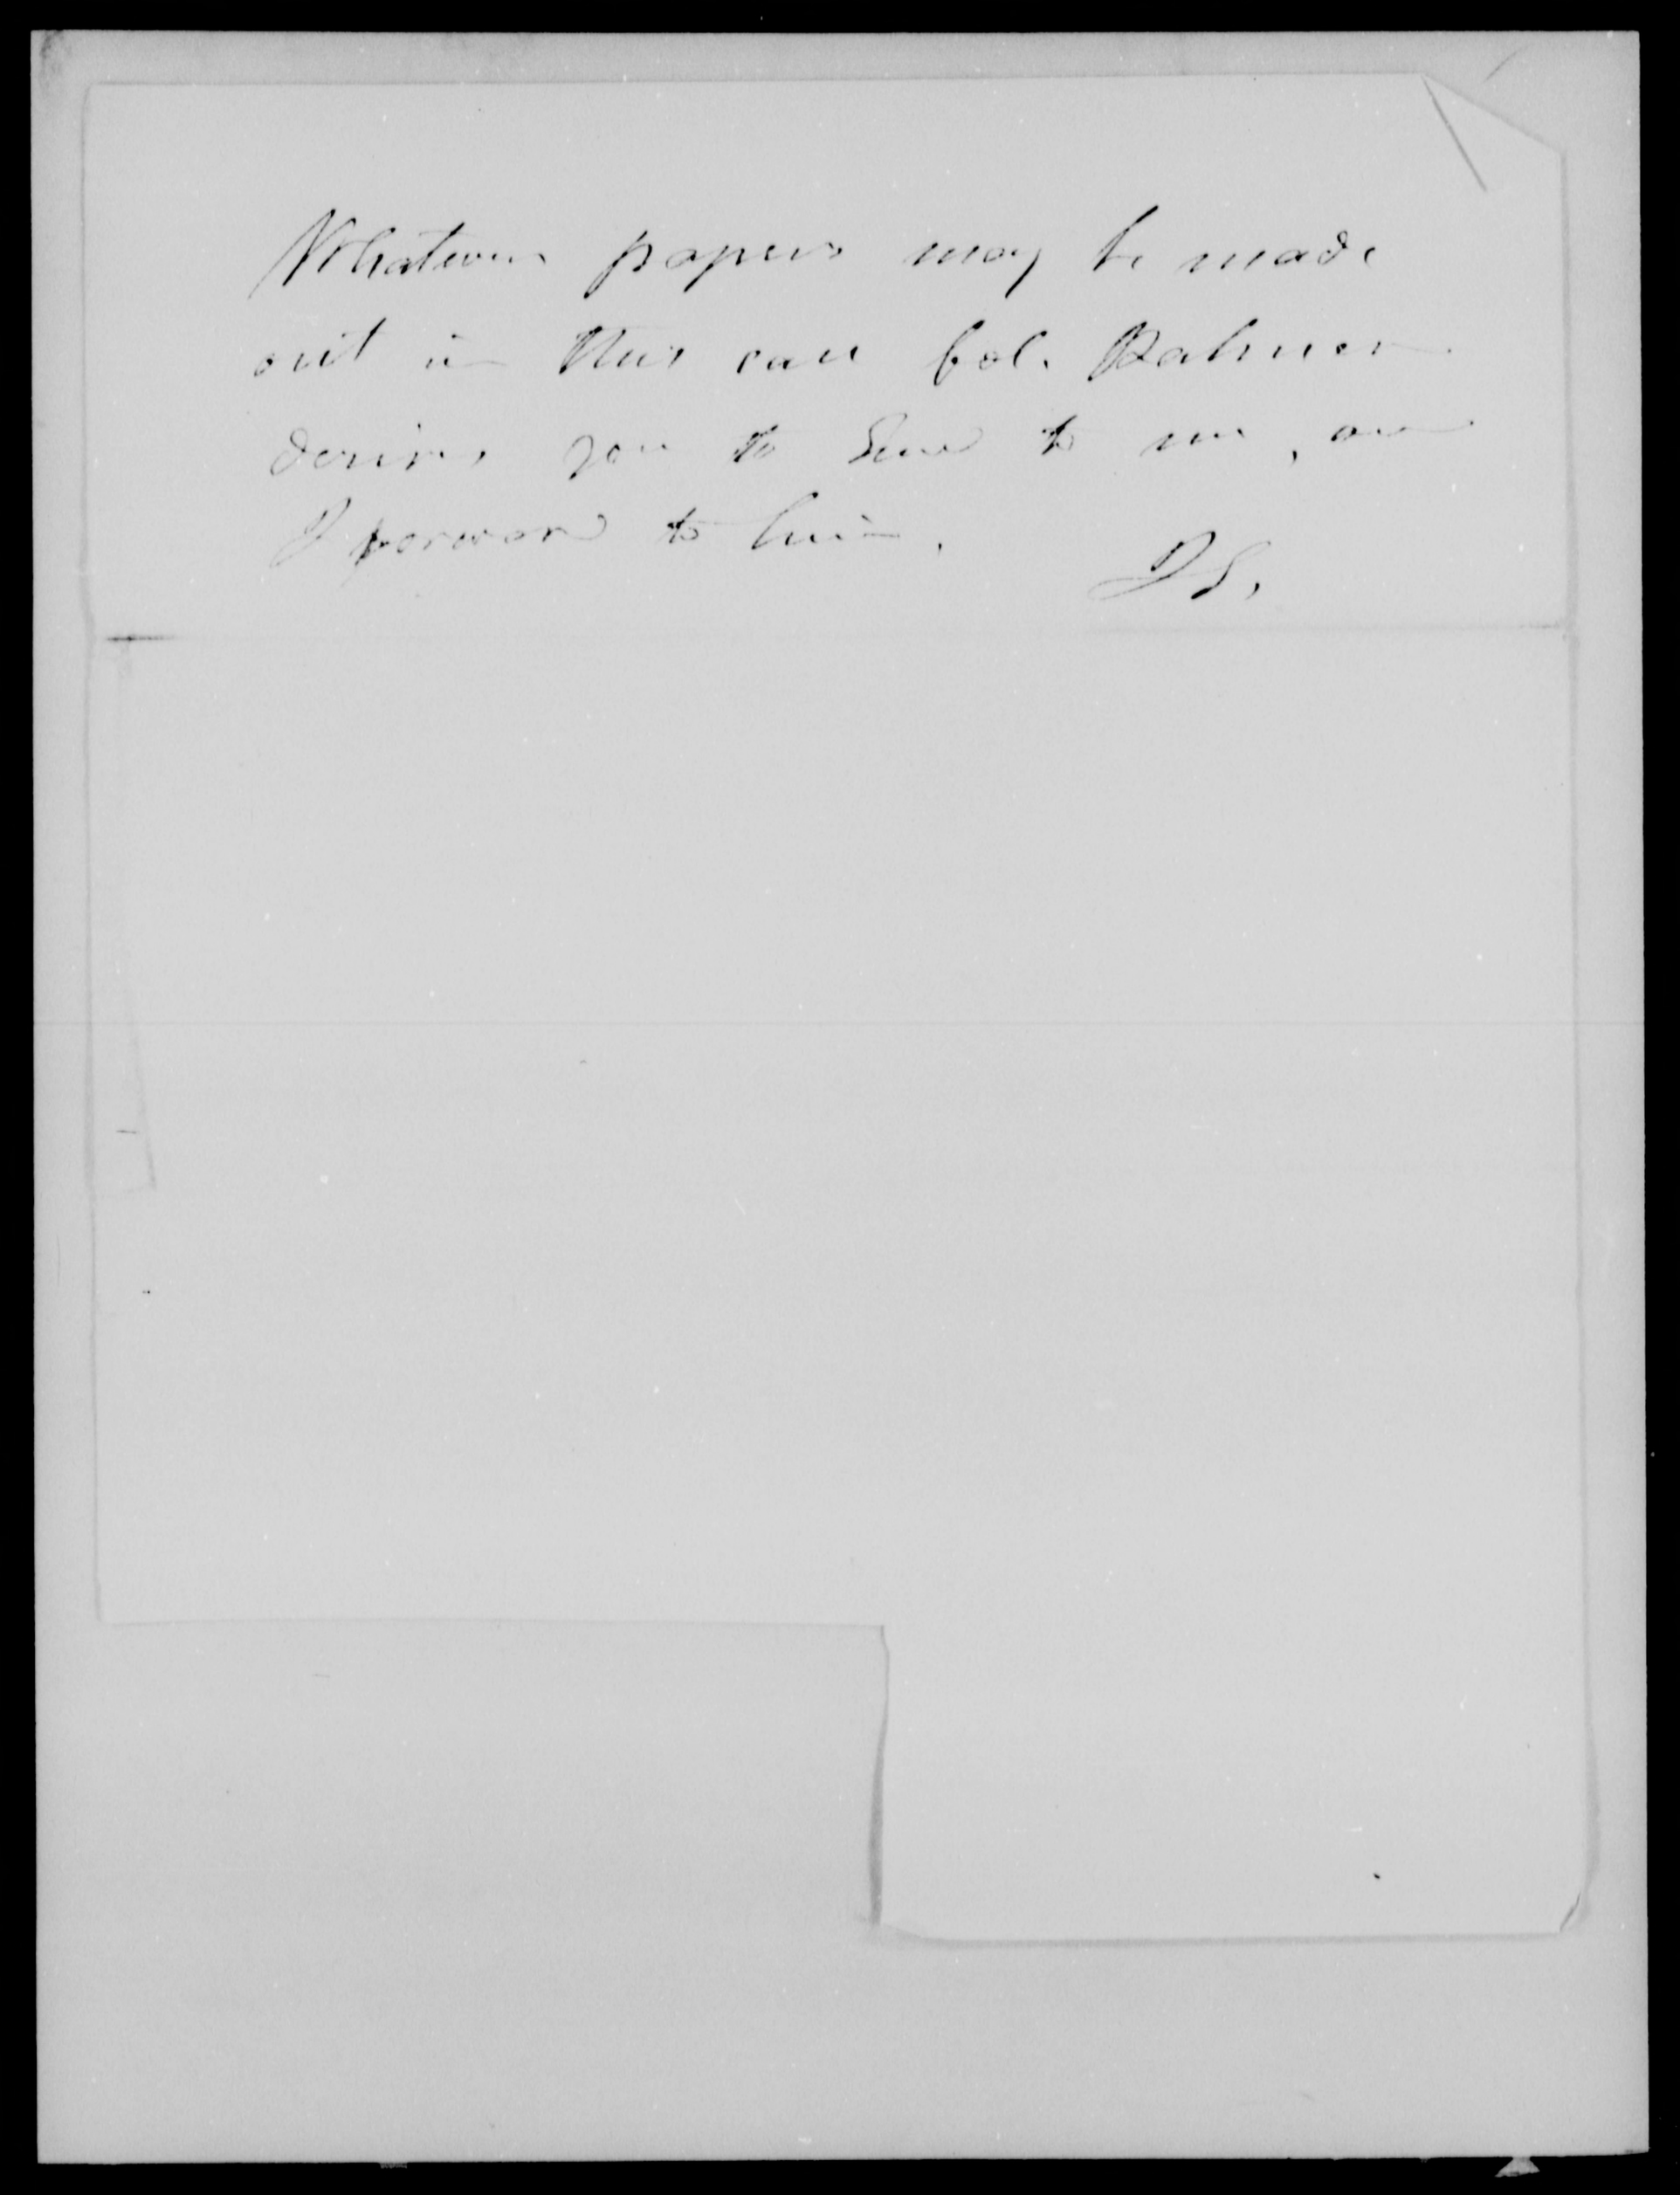Whatever papers may be made out in this case,  Col Palmer desires you see to forward to him.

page: 22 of 28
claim: survivor's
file: S. 7601, for Archibald Steel, Pennsylvania